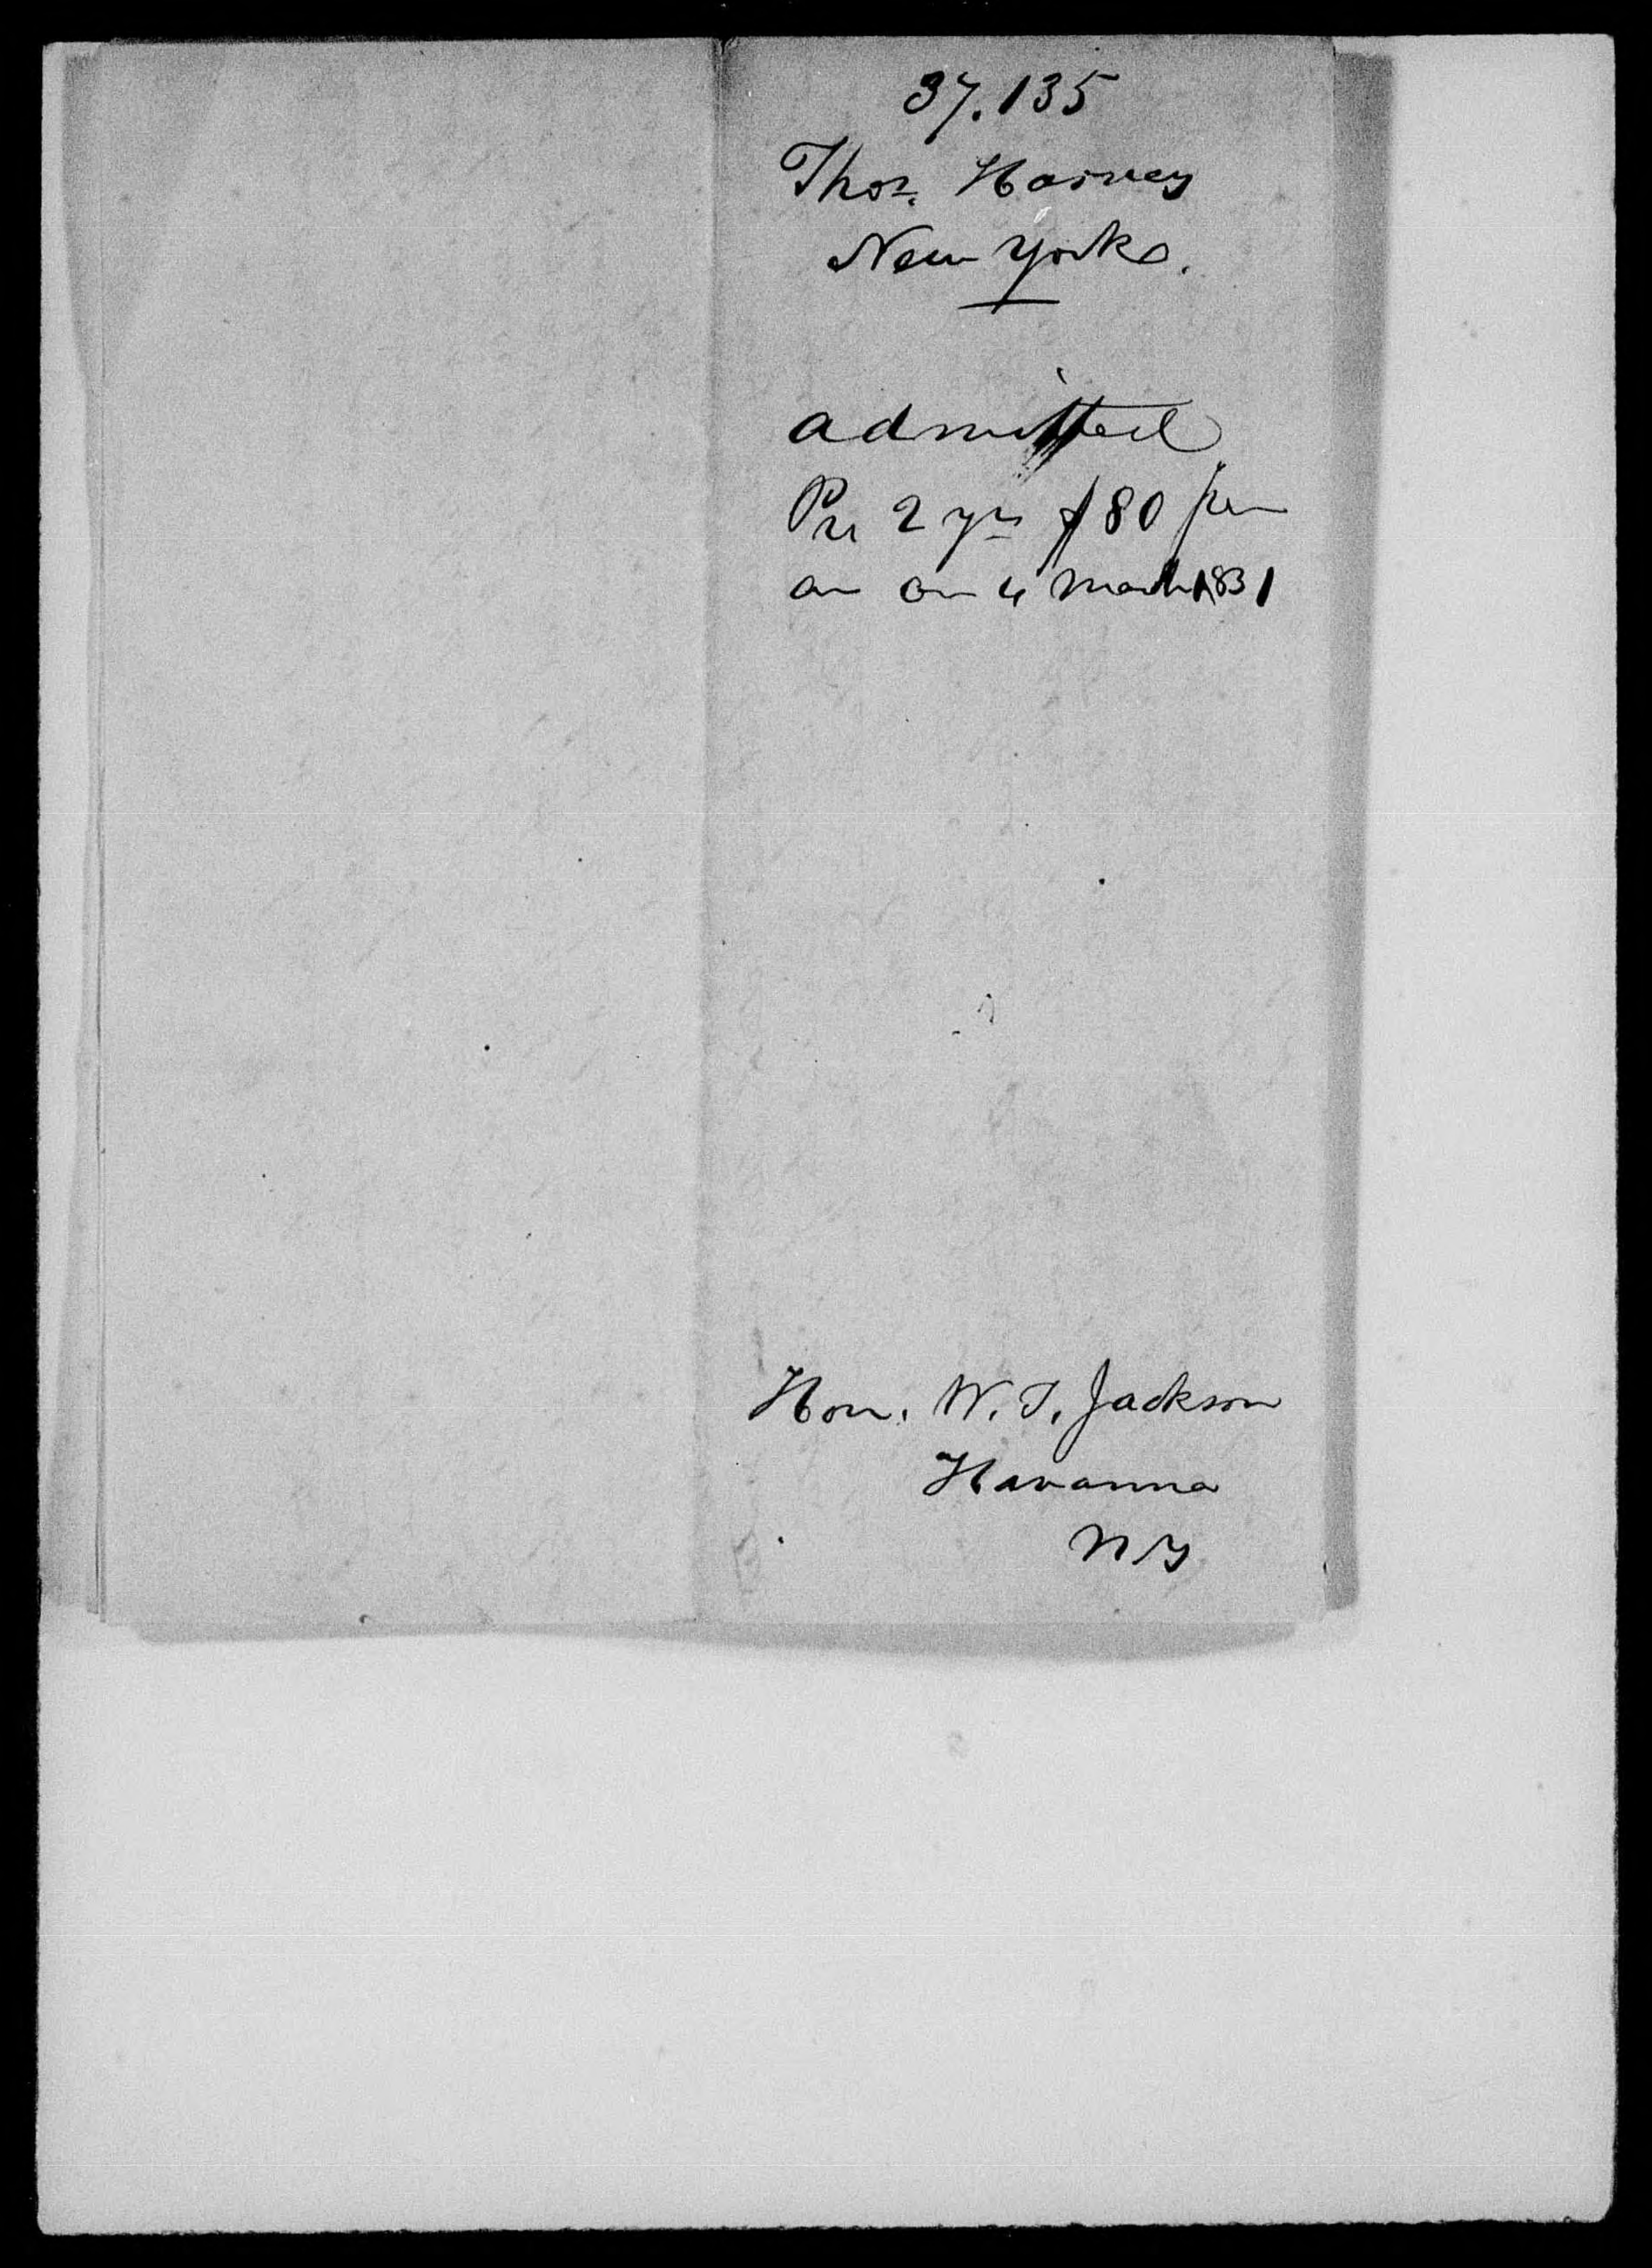37.135
Thos. Harvey
New York
admitted
Pri 2 yrs $80 per an on 4 March 1831
Hon. W. T. Jackson
Havanna (Havana) NY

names: Thos Harvey, W T Jackson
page: 66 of 80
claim: survivor's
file: S. 18008, Thomas Harvey, N.H.